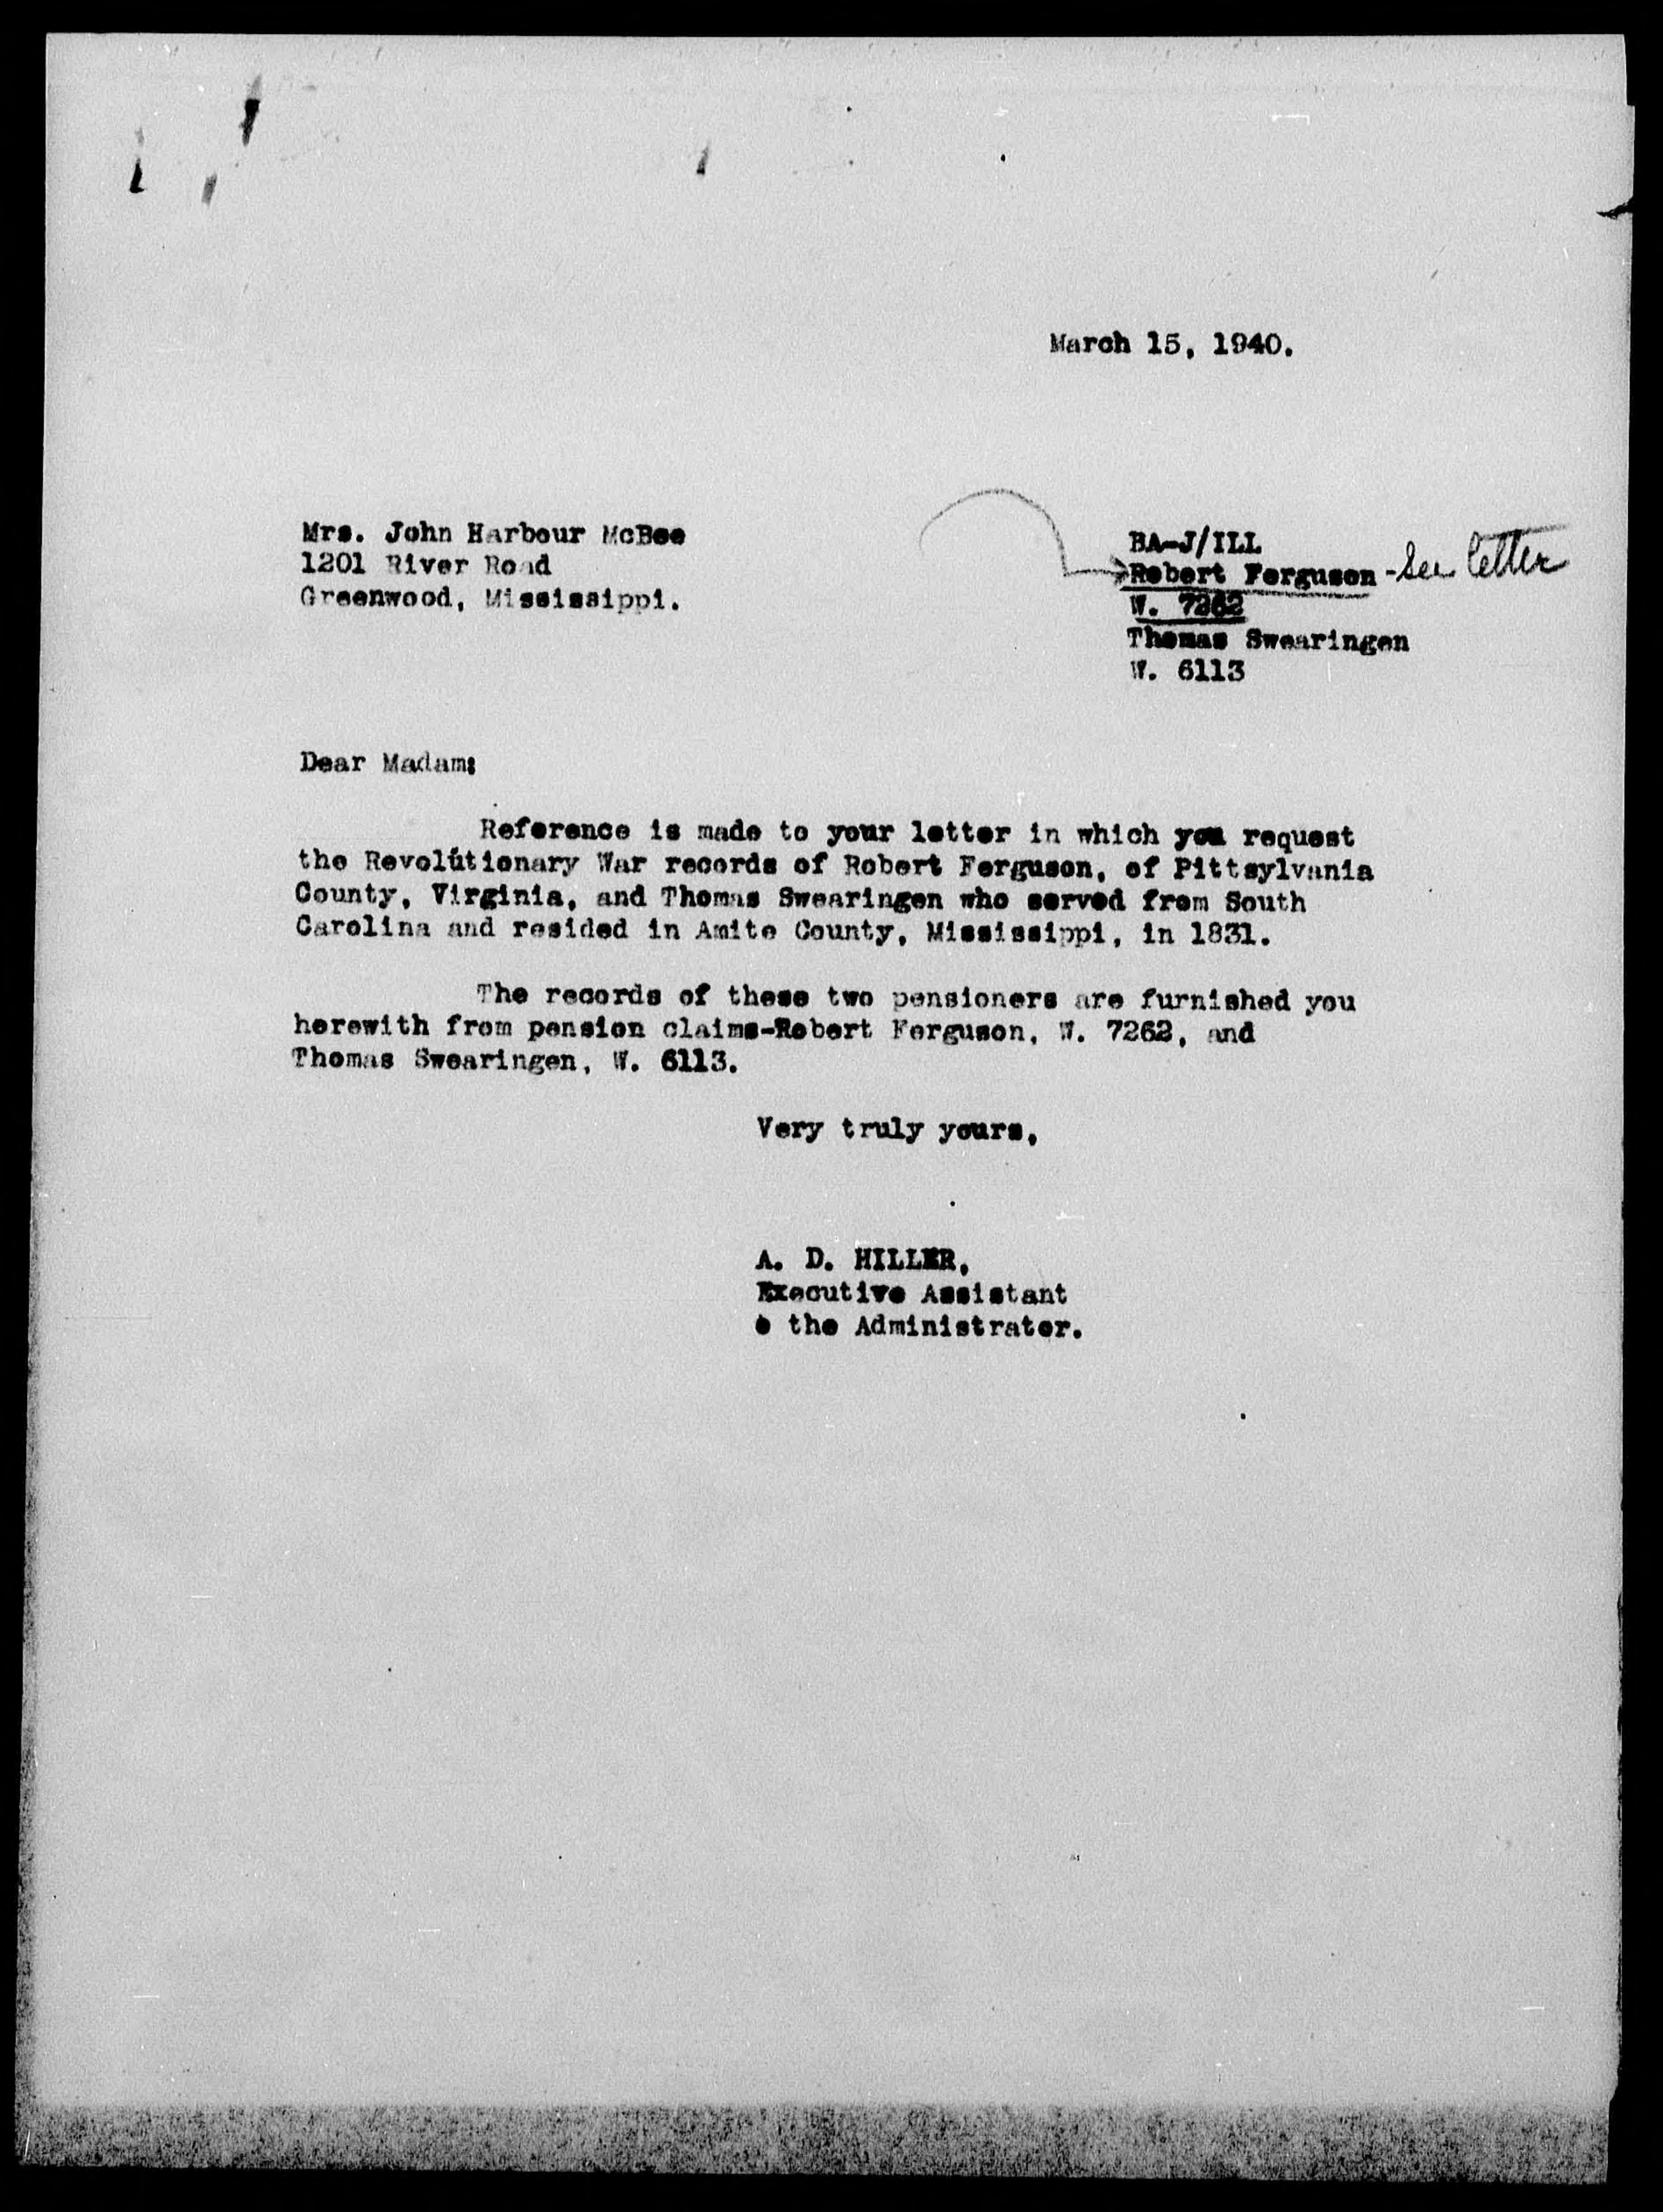Mrs. John Harbour McBee
1201 River Road
Greenwood, Mississippi


Dear Madam,
Reference is made to your letter in which you request the Revolutionary War records of Robert Ferguson, of Pittsylvania Count, Virginia, and Thomas Swearingen who served from South Carolina and resided in Amite County, Mississippi, in 1831.  

The records of these two pensioners are furnished you herewith from pension claims-Robert Ferguson, W. 7262, and Thomas Swearingen, W. 6113

Very truly yours, 
A. D. Hiller
Executive Assistant
of the Administrator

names: Thomas Swearingen, Thomas Swearingen, A D Hiller, Robert Ferguson, Thomas Swearingen, Robert Ferguson, Robert Ferguson, John Harbour Mc Bee, Thomas Swearingen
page: 81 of 81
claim: widow's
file: W. 7262, Robert Ferguson, Va.